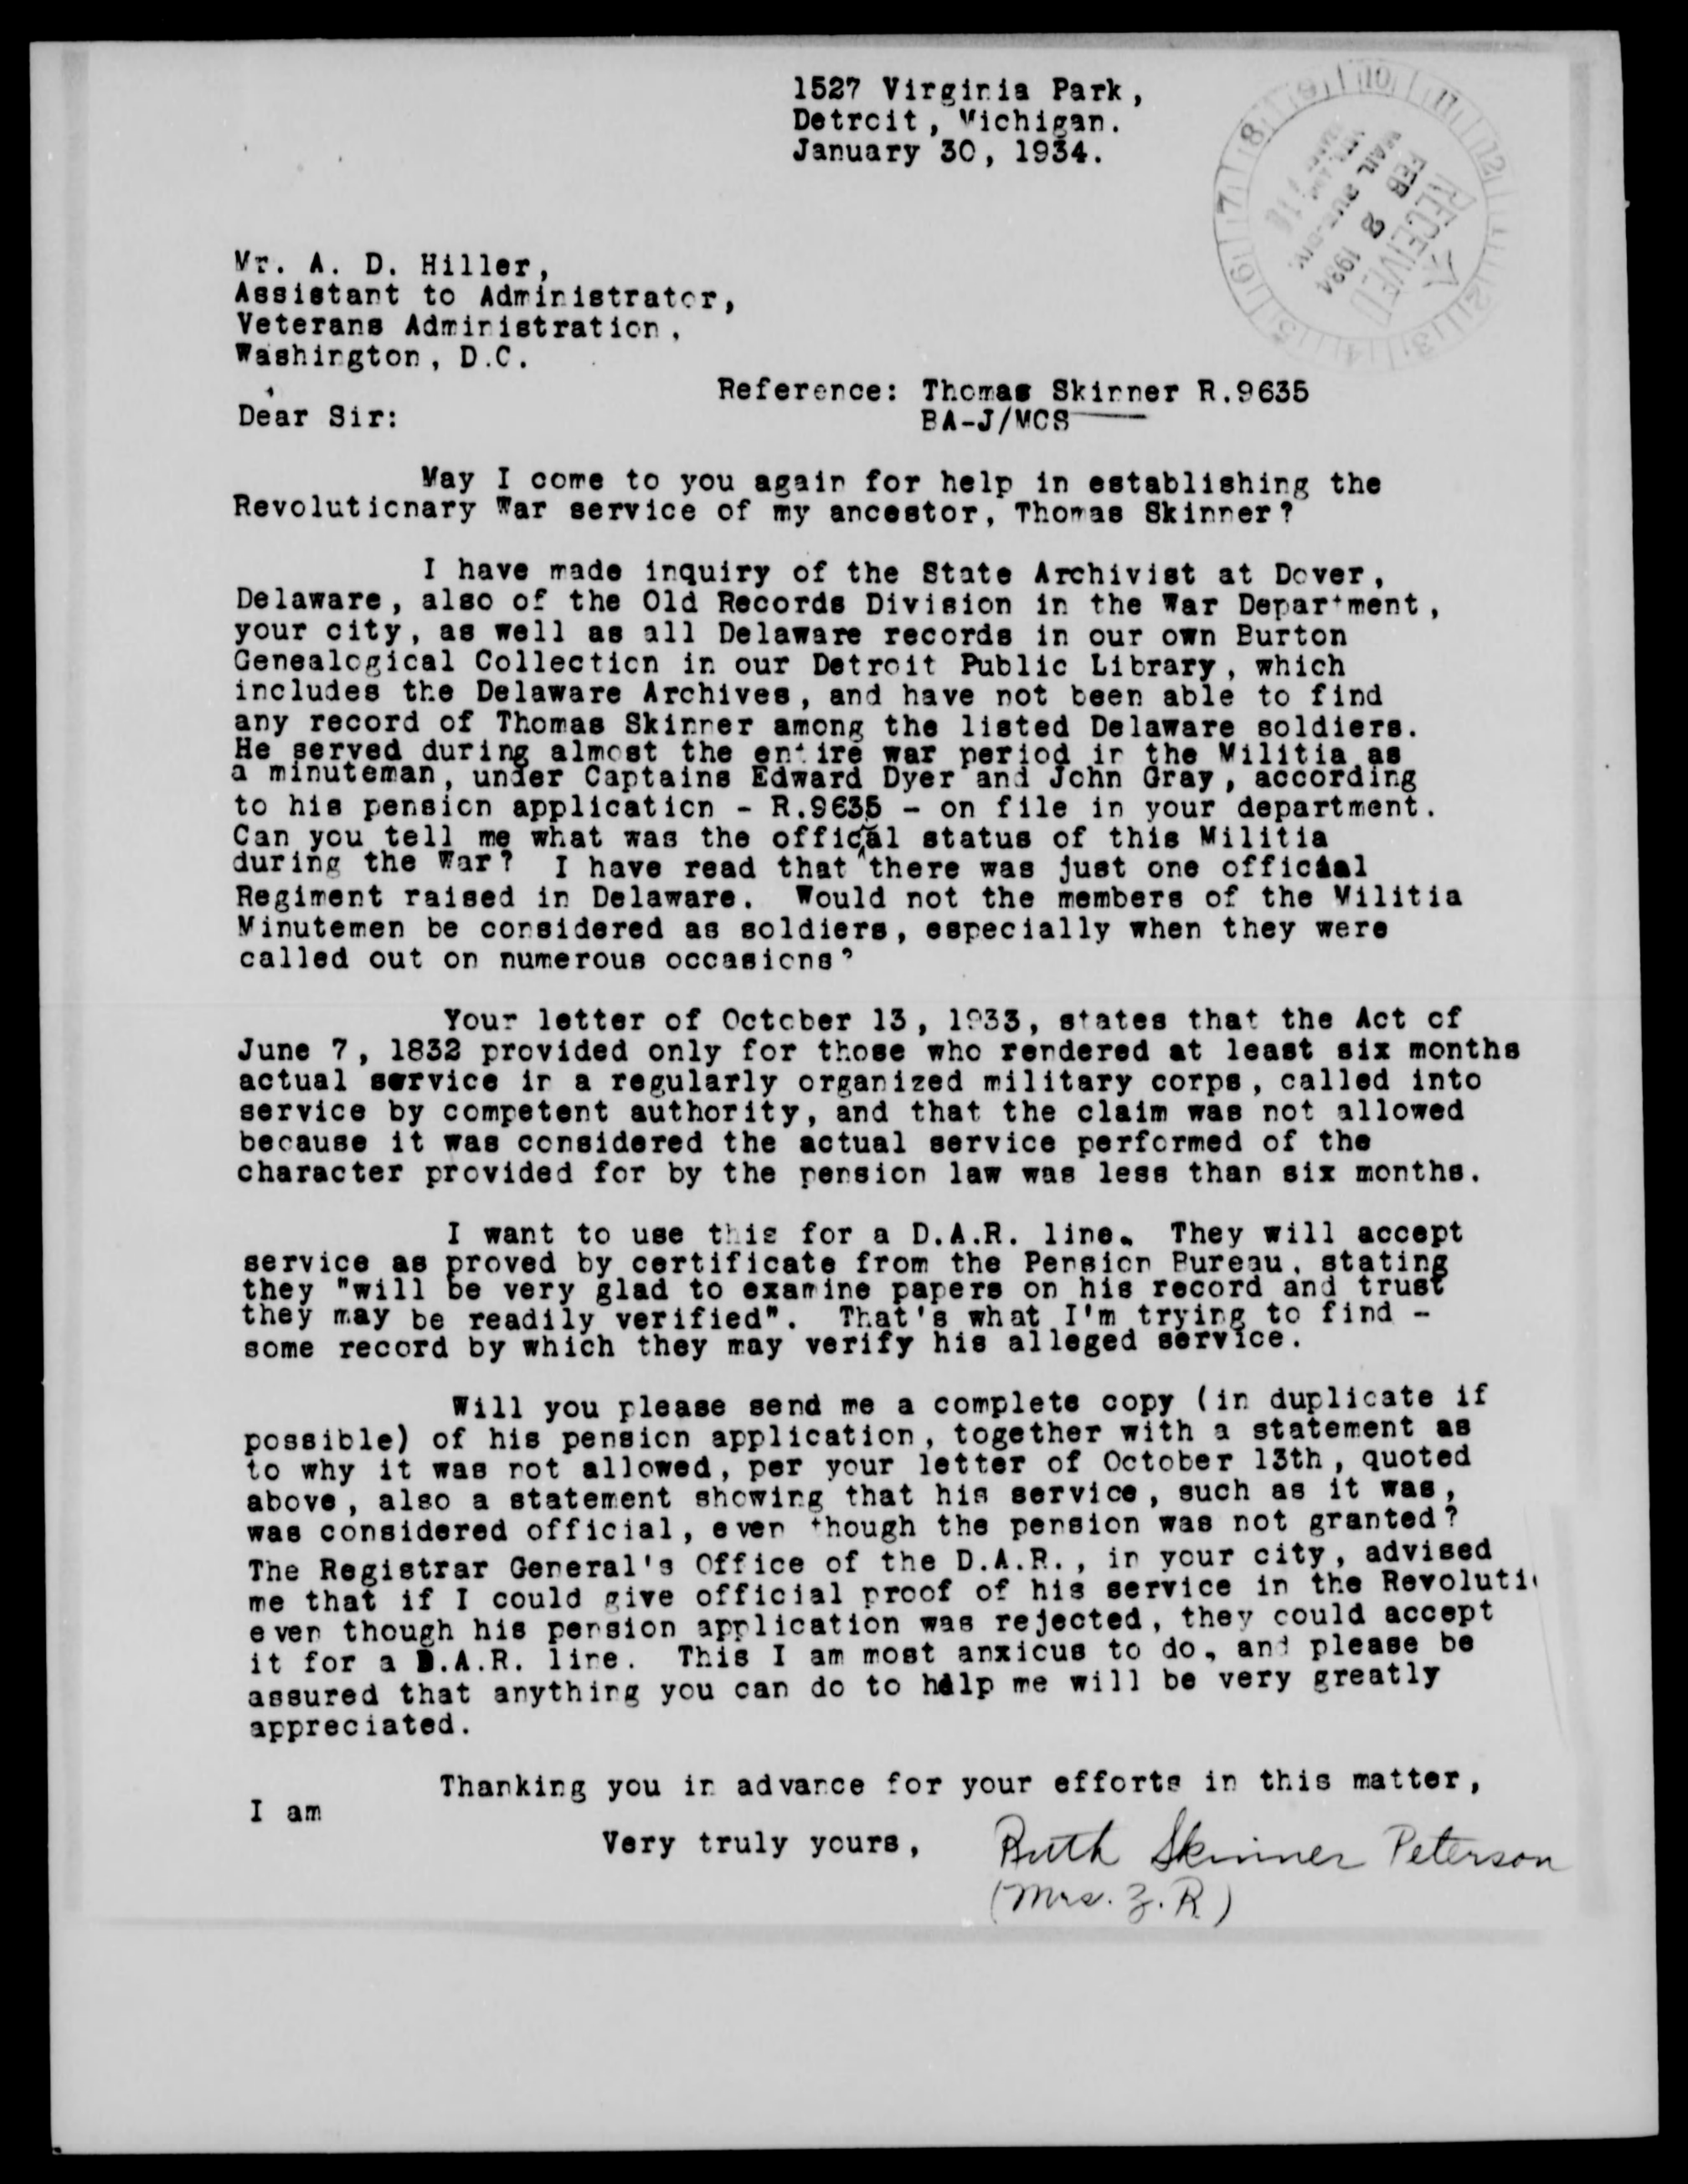1527 Virginia Park,
Detroit, Michigan.
January 30, 1934.

Mr. A.D. Hiller,
Assistant to Administrator,
Veterans Administration,
Washington, D.C.

Reference: Thomas Skinner R.9635
Ba-J/MCS

Dear Sir:
May I come to you again for help in establishing the Revolutionary War service of my ancestor, Thomas Skinner?

I have mad inquiry of the State Archivist at Dover, Delaware, also of the Old Records Division in the War Department, your city, as well as all Delaware records in our own Burton Genealogical Collection in our Detroit Public Library, which includes the Delaware Archives, and have not been able to find any record of Thomas Skinner among the listed Delaware soldiers. He served during almost the entire war period in the Militia as a minuteman, under Captains Edward Dyer and John Gray, according to his pension application - R.9635 - on file in your department. Can you tell me what was the official status of this Militia during the war? I have read that there was just one official Regiment raised in Delaware. Would not the members of the Militia Minutemen be considered as soldiers, especially when they were called out on numerous occasions?

Your letter of October 13, 1933, states that the Act of June 7, 1832 provided only for those who rendered at least six months of actual service in a regularly organized military corps, called into service by competent authority, and that the claim was not allowed because it was considered by the actual service performed of the character provided for by the pension law was less than six months.

I want to use this for a D.A.R line. They will accept service as provided by certificate from the Pension Bureau, stating they "will be very glad to examine papers on his record and trust they may be readily verified". That's what I'm trying to find - some record by which they may verify his alleged service.

Will you please send me a complete copy (in duplicate if possible) of his pension application, together with a statement as to why it was not allowed, per your letter of October 13th, quoted above, also a statement showing that his service, such as it was, was considered official, even though the pension was not granted? The Registrar General's Office of the D.A.R., in your city, advised even though his pension application was rejected, they could accept it for a D.A.R. line. This I am most anxious to do, and please be assured that anything you can do to help me will be very greatly appreciated.

Thanking you in advance for your efforts in this matter,
I am very truly yours, Ruth Skinner Peterson
(Mrs. Z.R)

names: Ruth Skinner Peterson; A D Hiller; Edward Dyer; Thomas Skinner; Thomas Skinner; Thomas Skinner; John Gray; Z R [BLANK]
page: 27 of 33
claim: rejected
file: R. 9635, for Thomas Skinner, Delaware